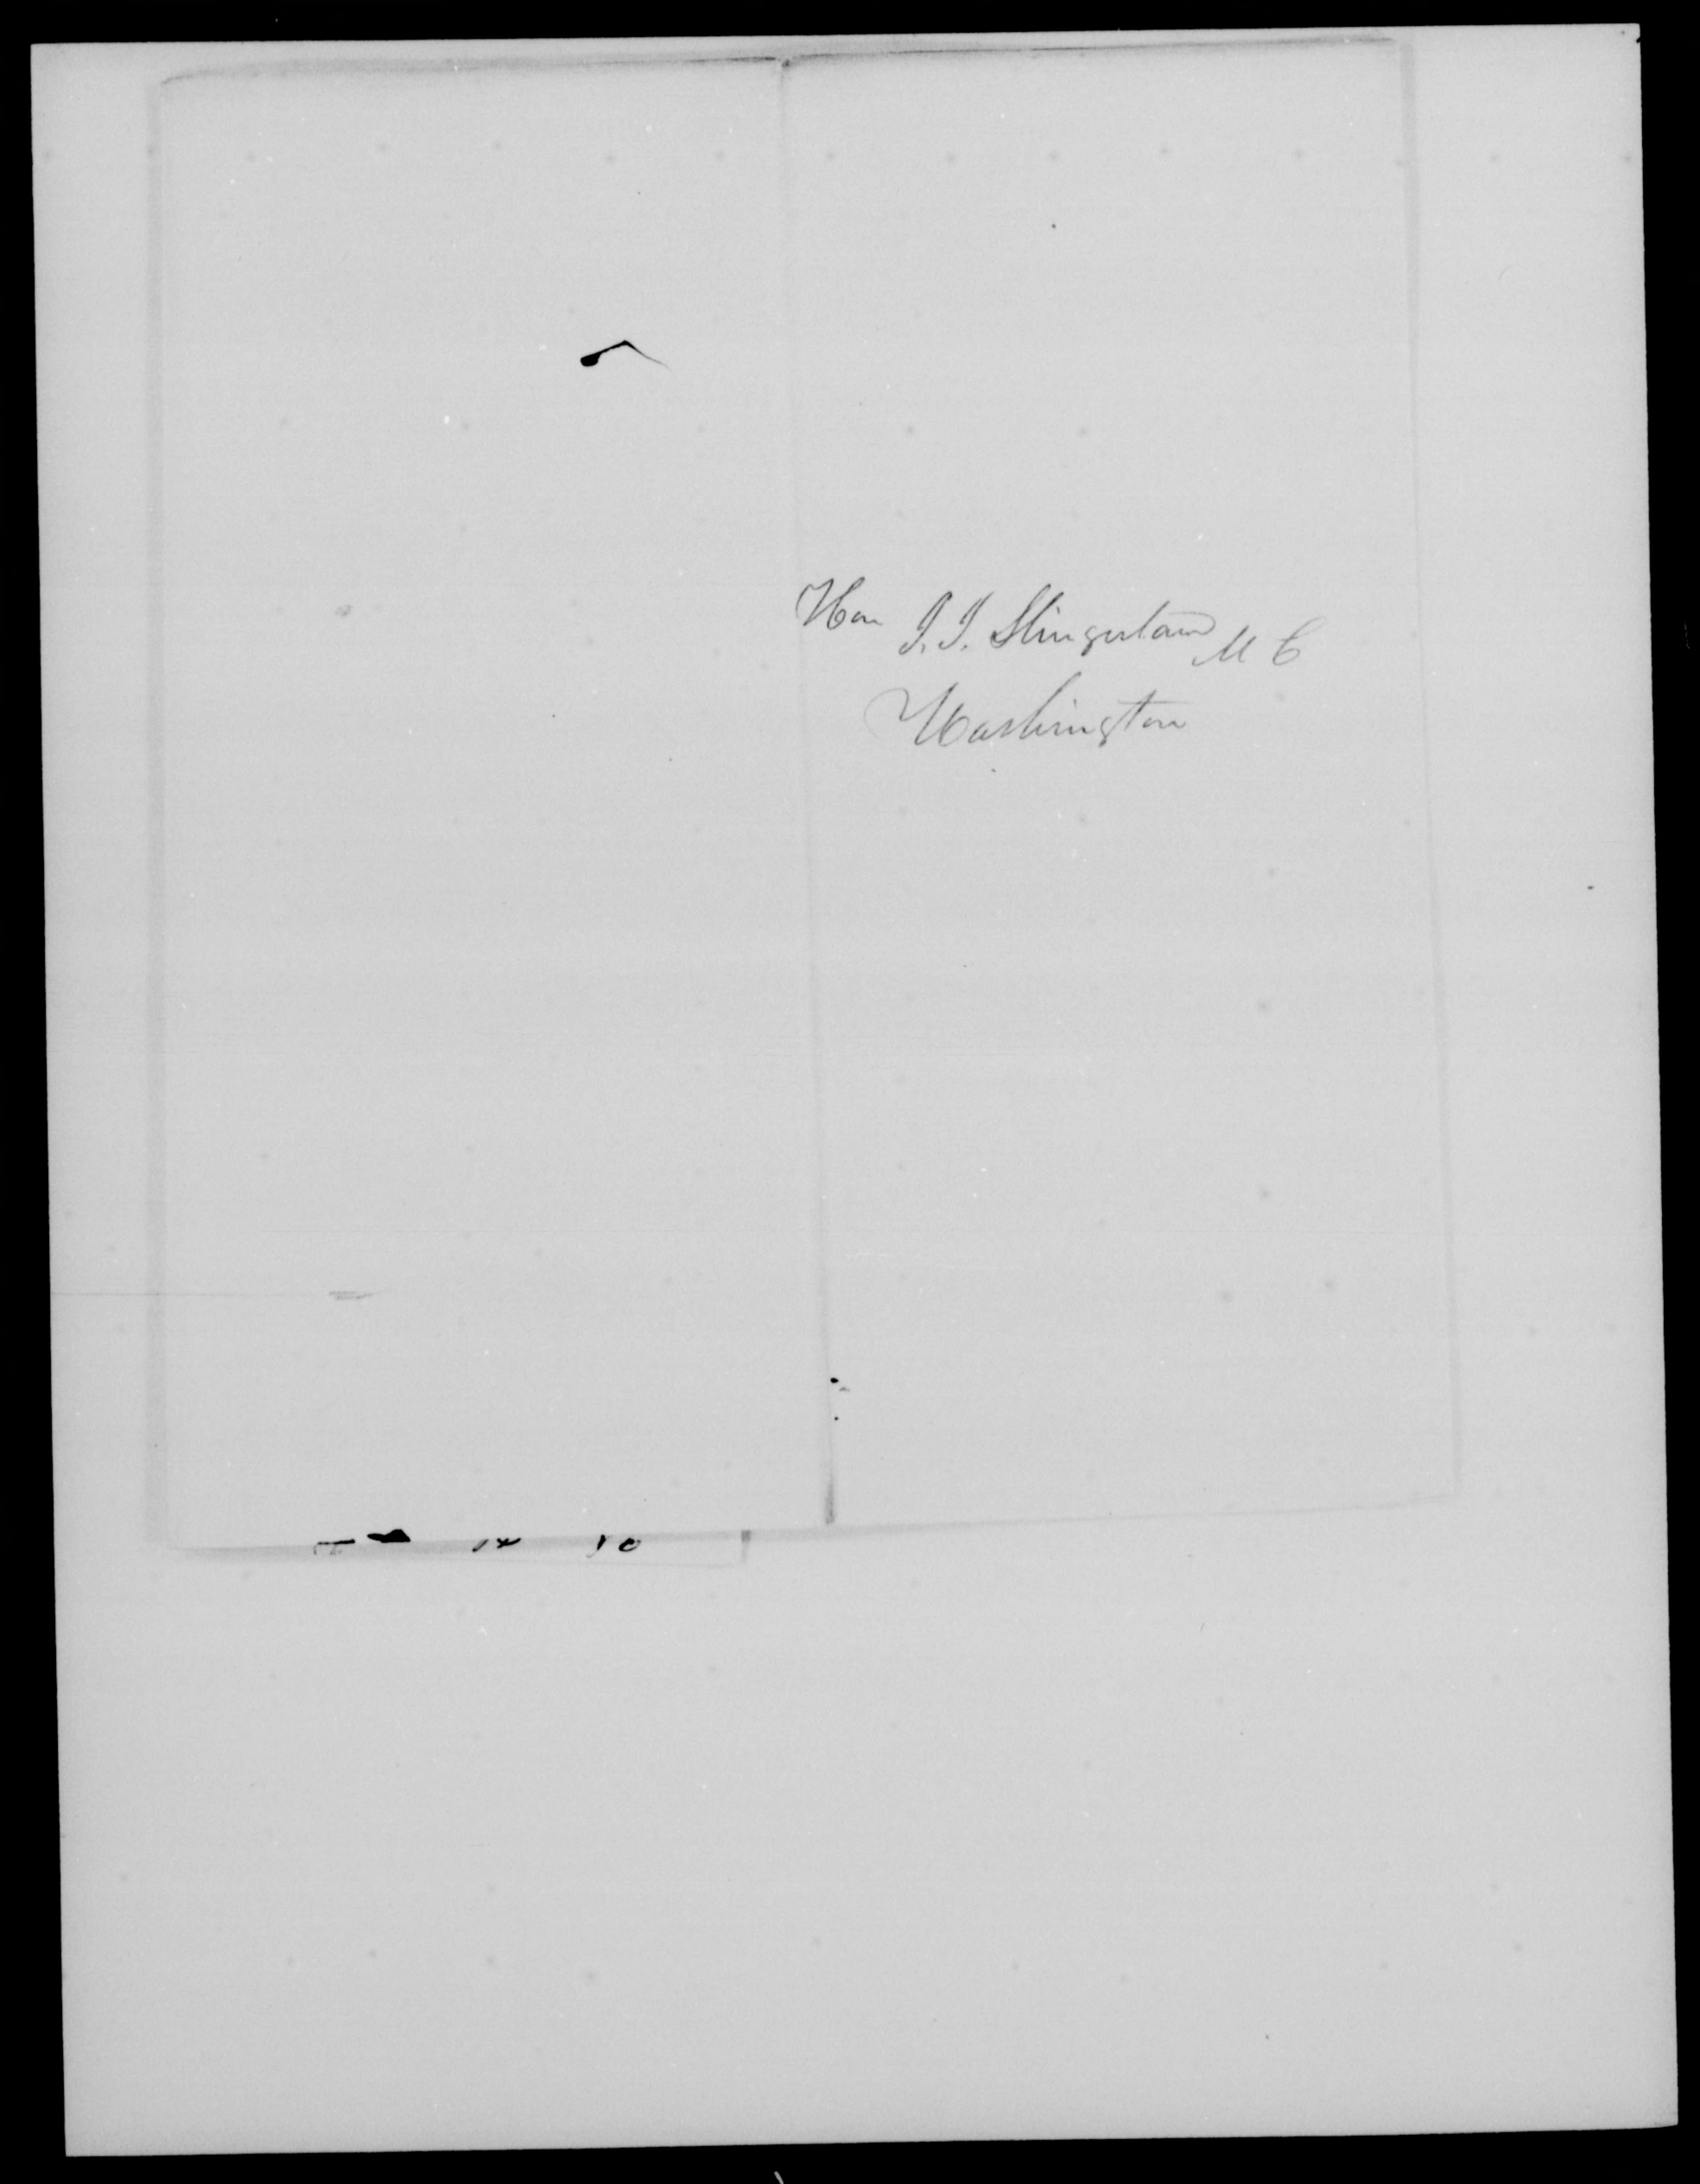Hon J.J. Slingerland  M C
 Washington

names: J J Slingerland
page: 60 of 77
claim: survivor's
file: S. 23003, for Silas Southerland, New York